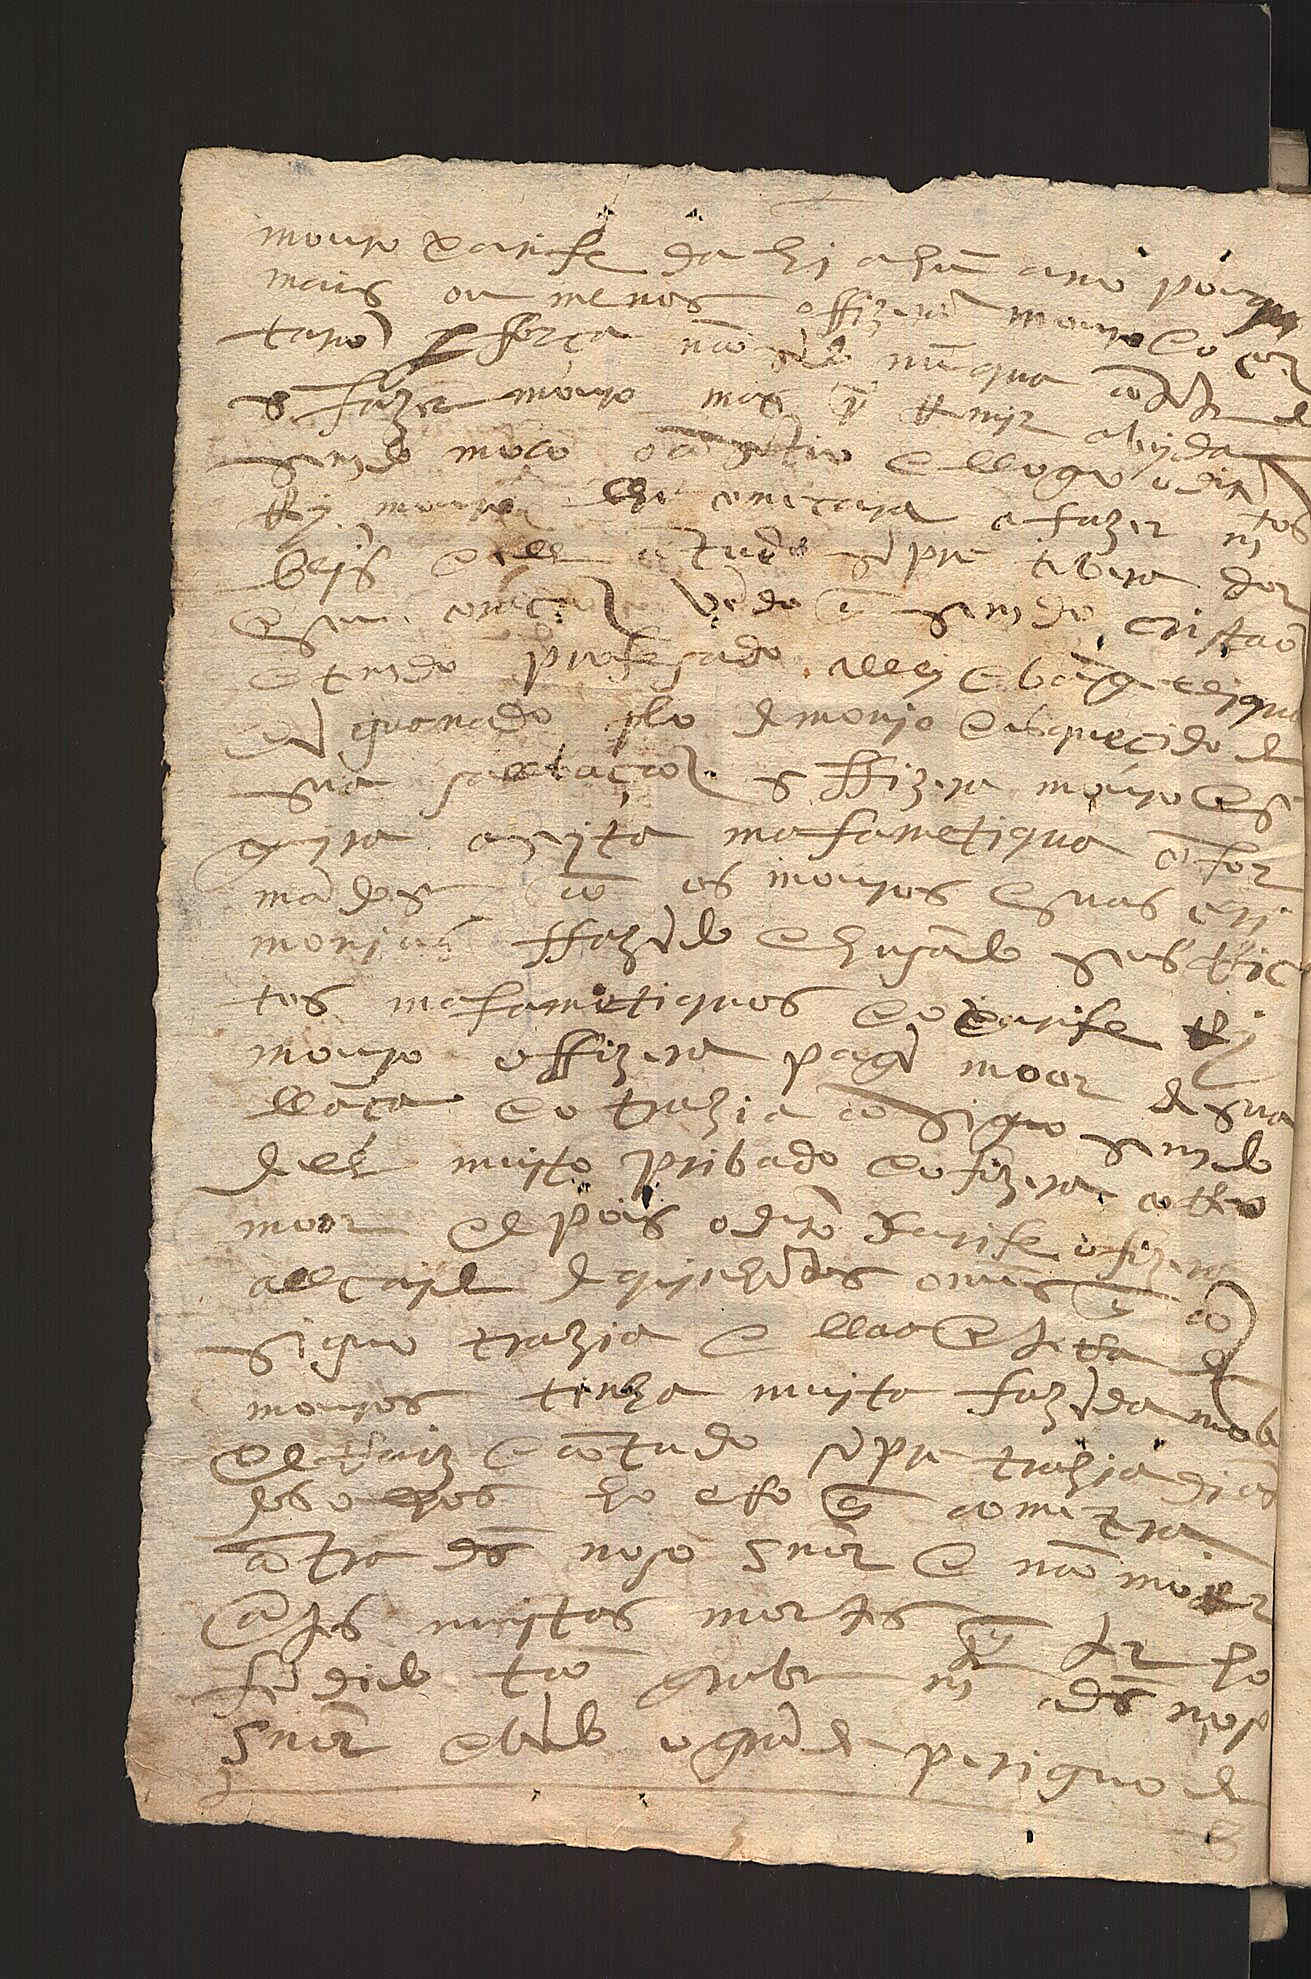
mouro xarife dahi a hū ano pouquo
mais ou menos o fizerā mouro e o cor
tarão ꝑ força naõ sēdo nūqua c̄otēte de
se fazer mouro mas p̄o Remjr a vyda
semdo moço o cōsētio e llogo o dito
Rey mouro lhe começara a fazer mtos
bej̄s e elle ē tudo sēpre tivera dor
ē seu coraçaõ vēdo q̄ semdo cristaõ
e temdo profesado a llej evāgelliqua
e ēguanado p̄lo demonjo e esquecido de
sua salluaçaõ se ffizera mouro e se
gujra a cejta mafametiqua cōfor
mādose cō os mouros e suas cerj
monjas ffazēdo e husādo seus Ric
tos mafametiquos e o xarife Rej
mouro o ffizera pagē moor de sua
llāça e o trazia c̄osiguo semdo
delle mujto privado e o fizera coReo
moor e depois o dito xarife o fizera
allcajde de qujnhētos omēs q̄ cō
siguo trazia e llaa ē teRa de
mouros tinha mujta fazēda mov
e de Raiz e cōtudo sēpre trasia diāt
dos olhos ho eRo q̄ cometera
c̄otra ds̄ noso Snōr e não moRer
ātes mujtas mortes q̄ ter ho
fēdido taõ gravemte a ds̄ noso
Snōr e vēdo o grāde periguo de
